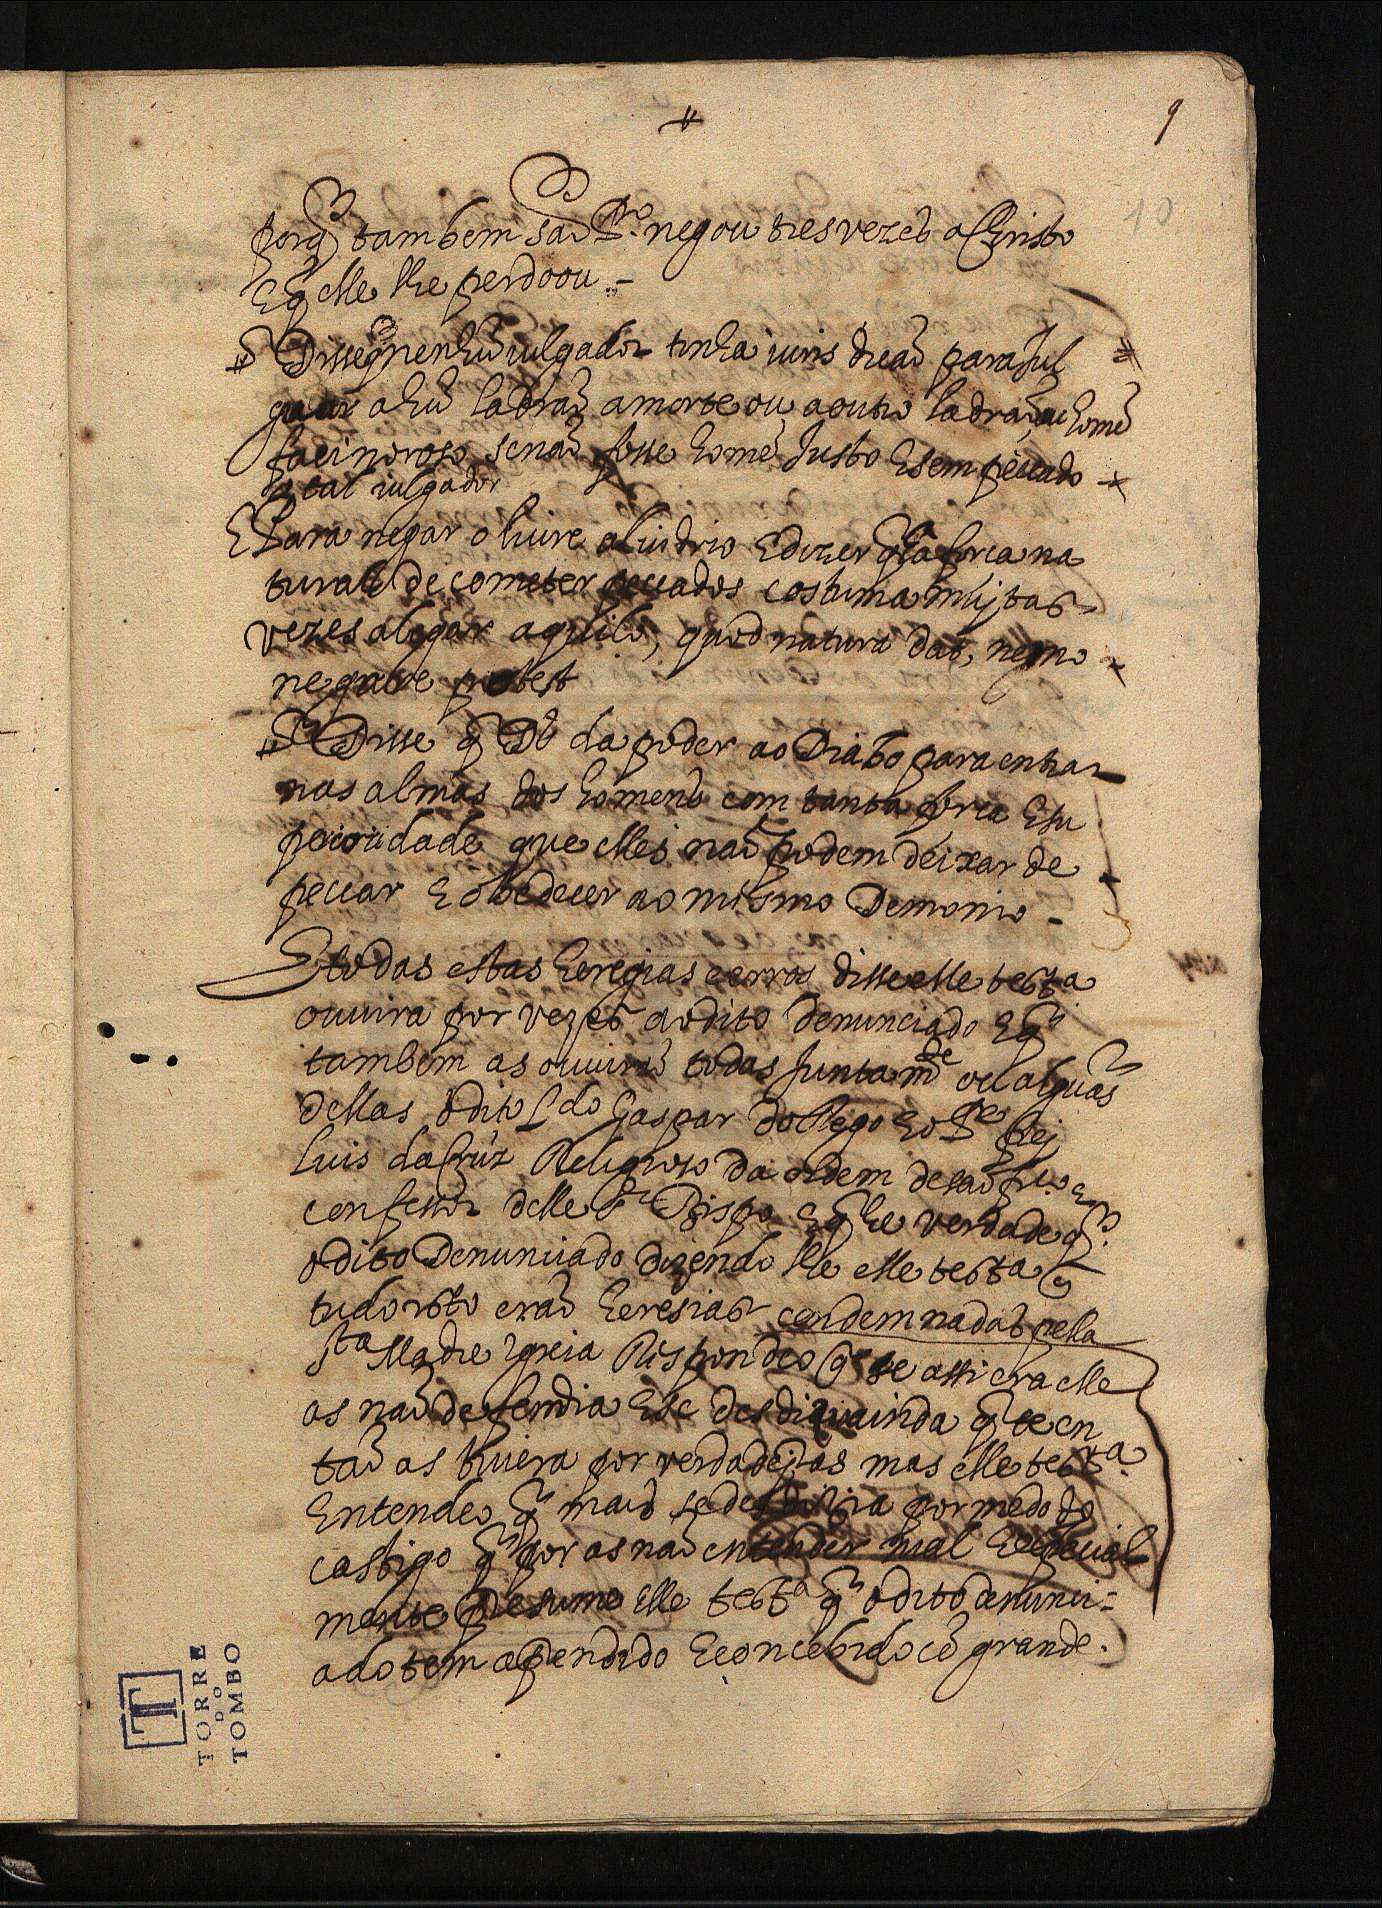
porq̄ tambem saõ P.o negou tres vezes a Christo
E q̄ elle lhe perdoou -
item Disse q̄ nenhū iulgador tinha iurisdiçaõ para Jul
guar a hū ladraõ a morte ou a outro ladraõ, ou homē
facinoroso se não fosse homē Iusto E sem peccado
o tal iulgador
E Para negar o liure aluidrio E dizer q̄ ha força na
tural de cometer peccados costuma mujtas
vezes alegar aquilo, quod natura dat, nemo
negare potest
item Disse q̄ Ds̄ da poder ao Diabo para entrar
nas almas dos homens com tanta força E su
perioridade que elles naõ podem deixar de
peccar E obedecer ao mesmo Demonio.
E todas estas heregias e erros disse elle testa.
ouuira por vezes ao dito denunciado E q̄
tambem as ouuiraõ todas Juntamte ou alguās
dellas o dito Ldo Gaspar do Rego E o Pe frej
Luis da Cruz Religioso da ordem de saõ fr.co E
confessor delle sor Bispo E q̄ he verdade q̄.
o dito Denunciado dizendo lhe elle testa q̄
tudo isto eraõ heresias condemnadas pella
sta Madre Igreia Respondeo q̄ se assi era elle
as naõ defendia E se desdizia ainda q̄ te en
taõ as tiuera por verdadeiras mas elle testa
Entendeo q̄ mais se desdizia por medo do
castigo q̄ por as naõ entender mal E especial
mente presume Elle testa q̄ o dito denunci
ado tem aprendido E concebido cō grande
